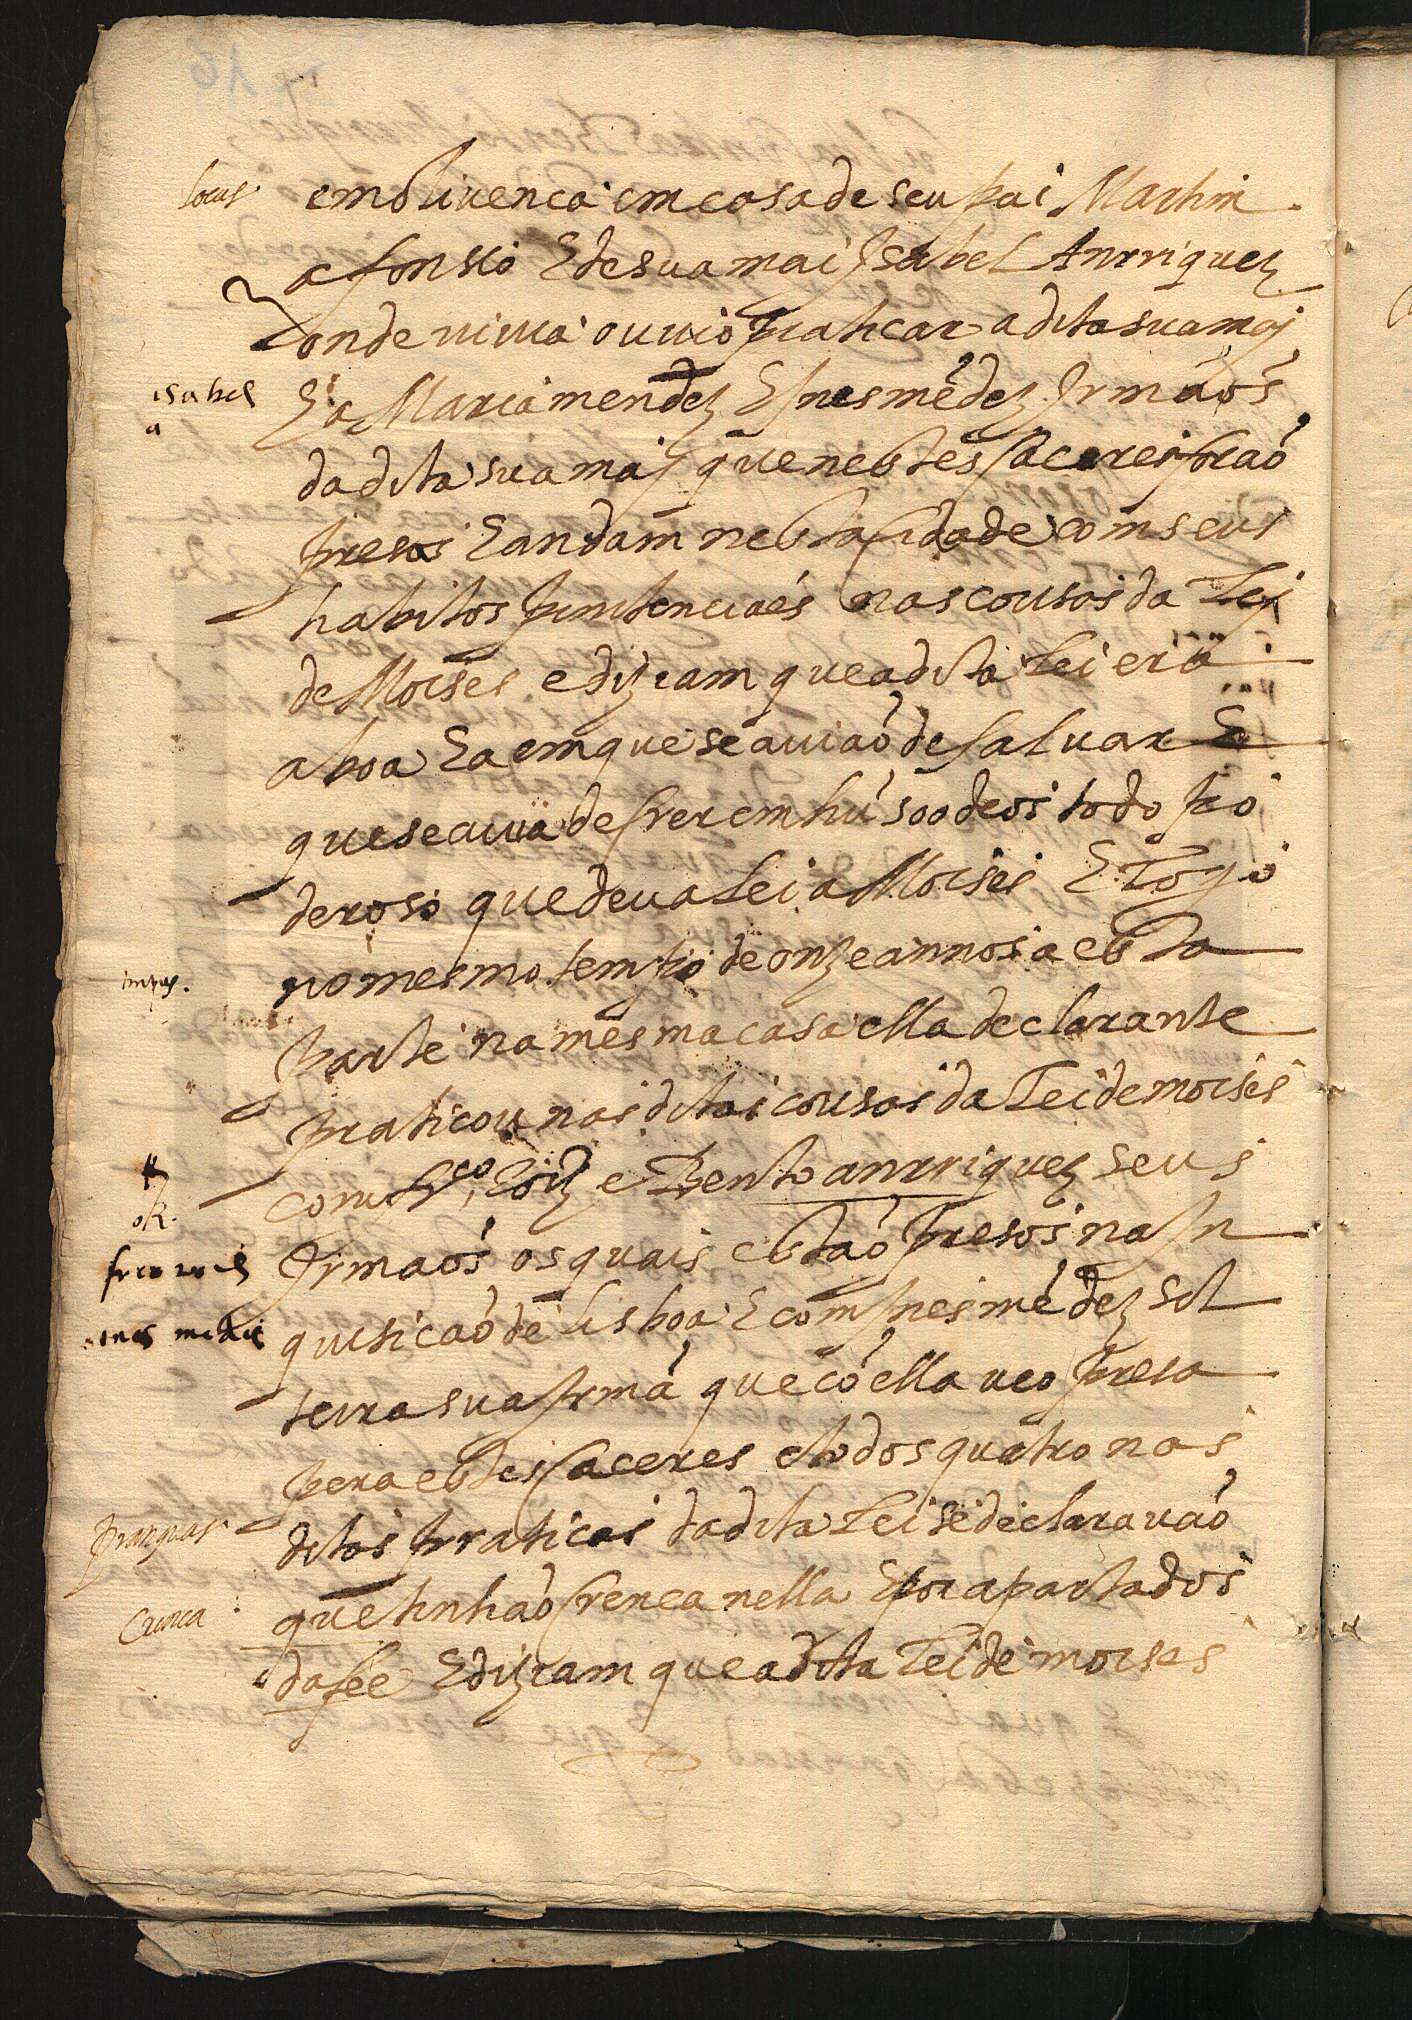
Locus
em oliuença em casa de seu pai Martim
afonsco E de sua mai Jsabel Anrriquez
onde uiuia ouuio praticar a dita sua maj
isabel
E a Maria mendez E Jnes mēdez Jrmãos
da dita sua maj que nestes Caceres foraõ
presos E andam nesta Cidade com seus
habitos penitenciaes nas cousas da Lej
de Moises e diziam que a dita Lei era
a boa E a em que se auiaõ de Saluar E
que se auia de Crer em hū soo deos todo po
deroso que deu a Lei a Moises E logo
no mesmo tempo de onze annos a esta
tmpus.
parte na mesma casa ella declarante
praticou nas ditas cousas da Lei de moises
com frco. Roiz̄ e Bento anrriquez seus
o R
Jrmaõs os quais estaõ presos na Jn
quisiçaõ de Lisboa E com Jnes mēdez soL
frco rois
ines medes
teira sua Jrmã que cō ella ueo presa
pera estes Caceres e todos quatro nas
Pratiquas
ditas praticas da dita Lei se declarauaõ
que tinhaõ Crença nella E por apartados
Crença
da fee E diziam que a dita Lei de moises
